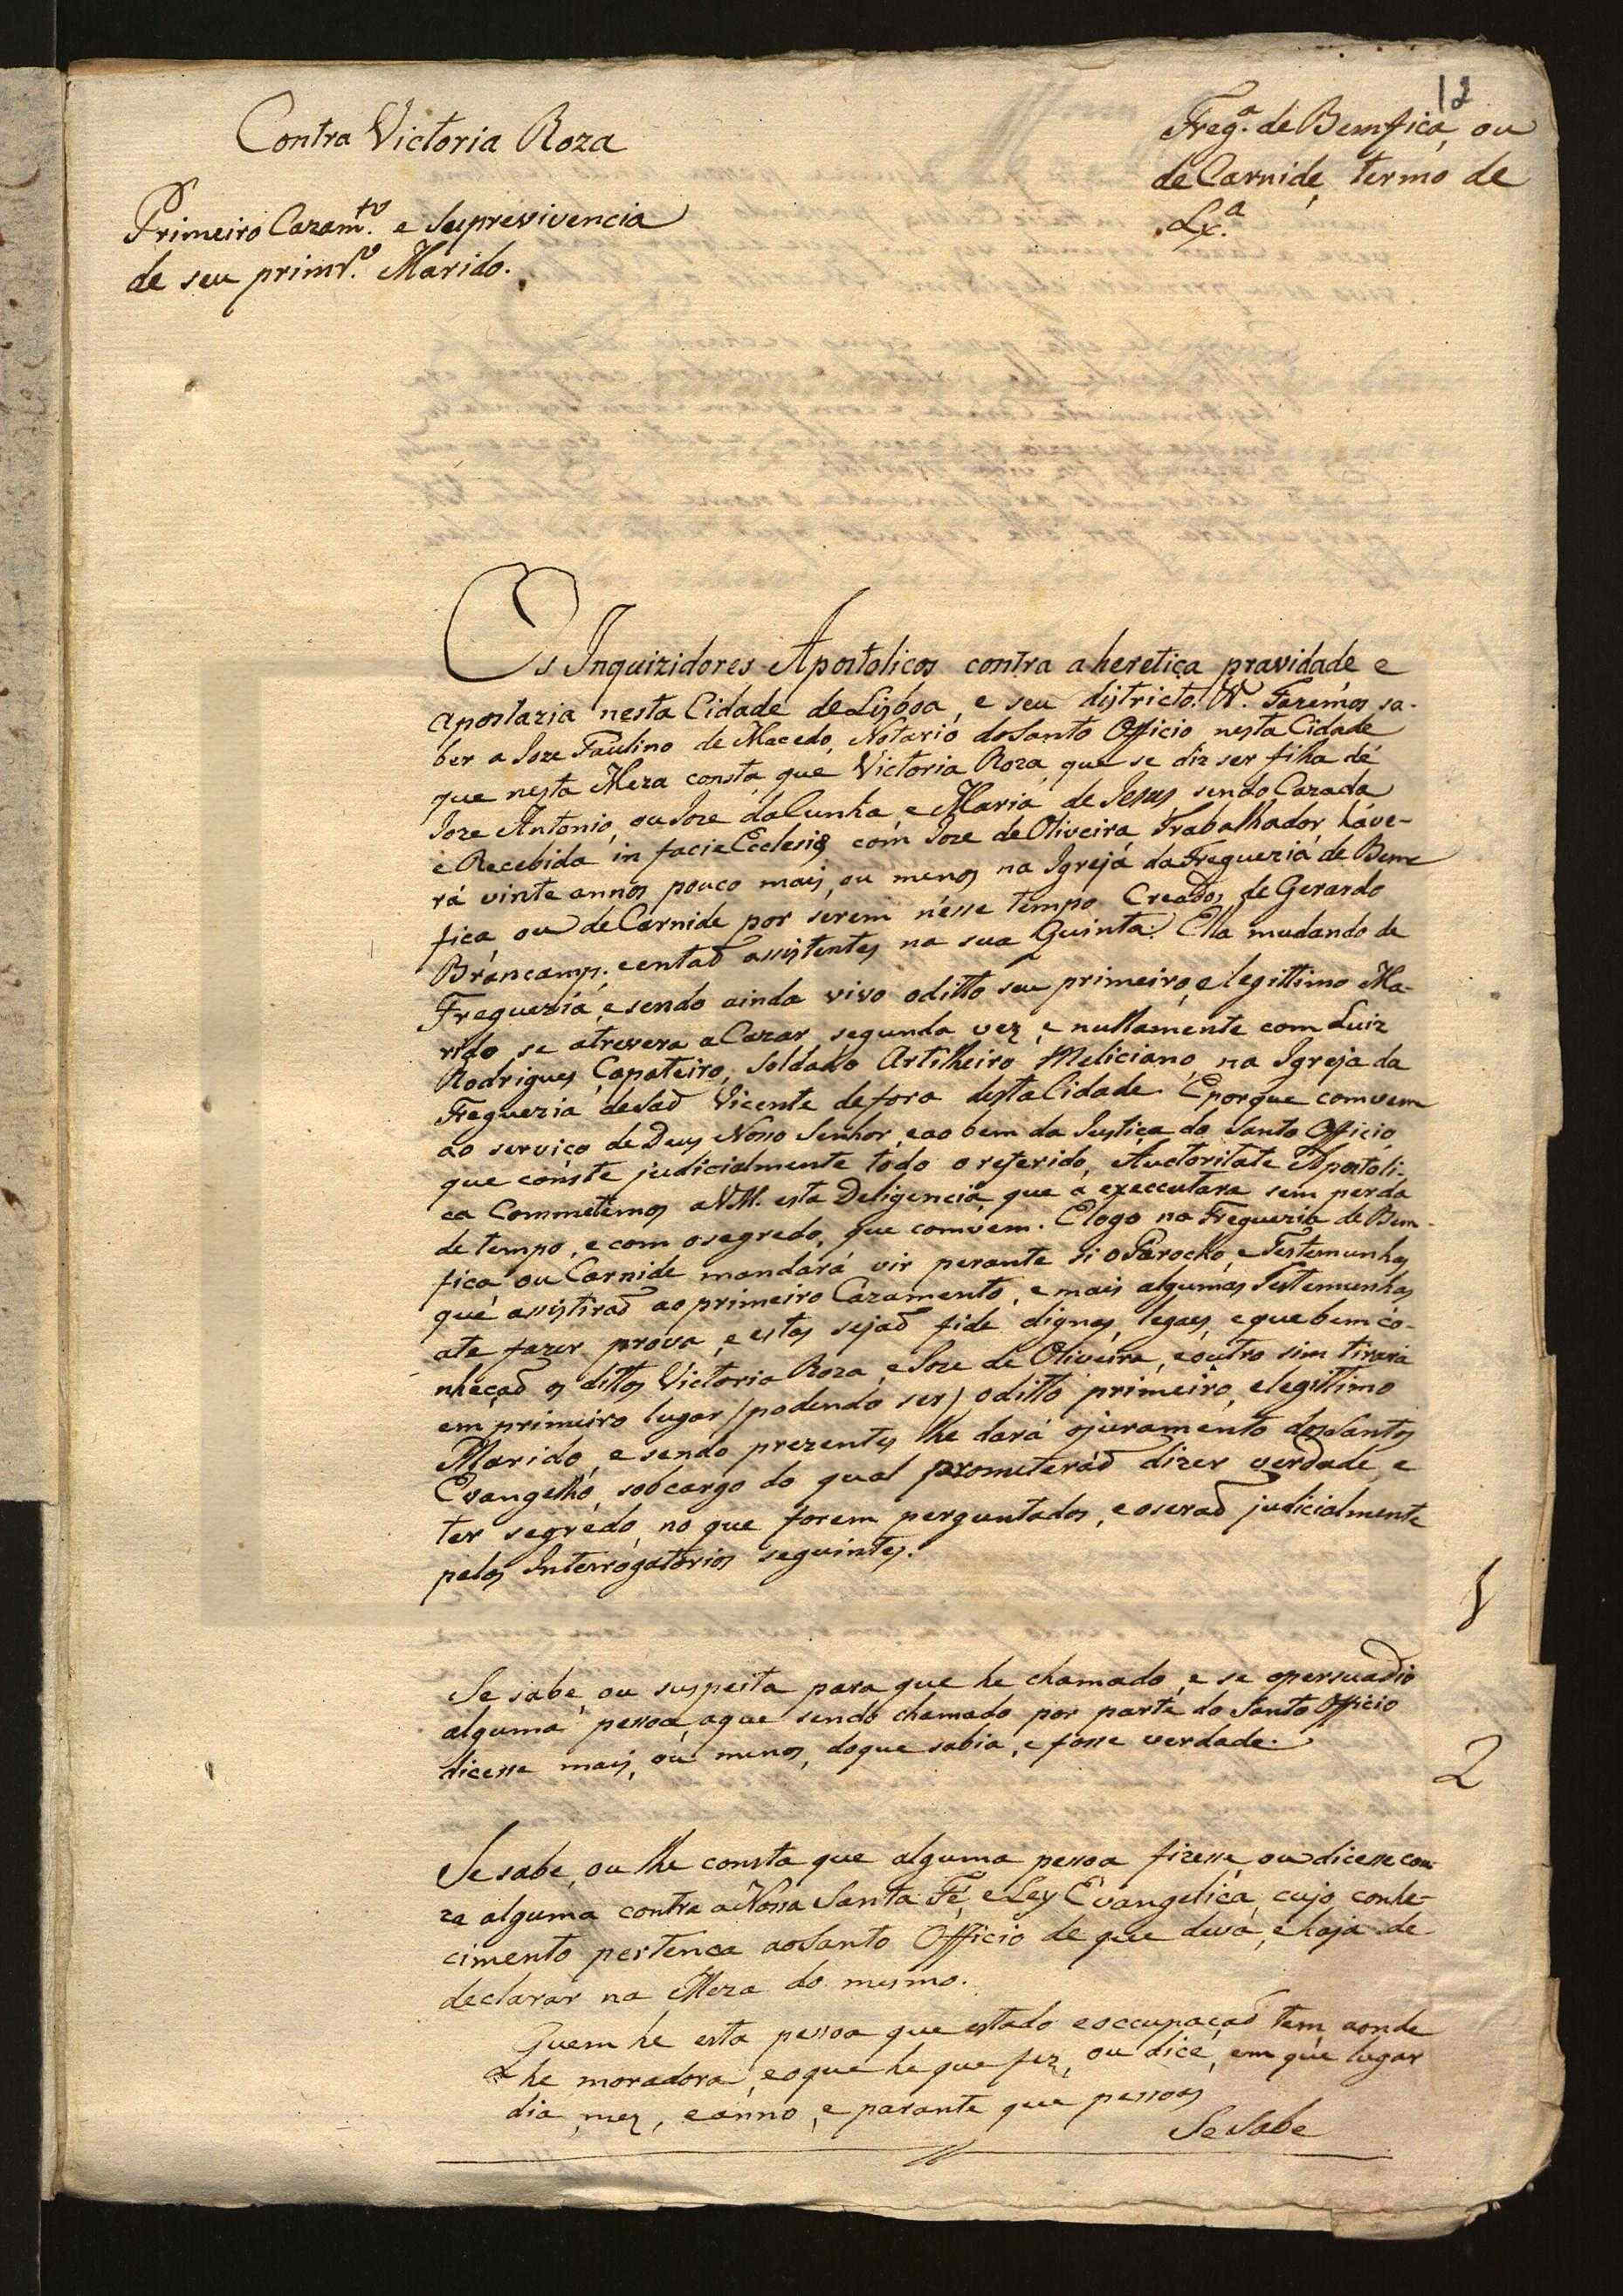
Contra Victoria Roza
Primeiro Cazam.to e suprevivencia
de seu primr.o Marido.
Freg.a de Bemfica, ou
de Carnide, termo de
Lx.a
Os Inquizidores Apostolicos contra a heretica pravidade, e
apostazia nesta Cidade de Lisboa, e seu districto. &r. Fazemos sa
ber a Ioze Paulino de Macedo, Notario do Santo Officio nesta Cidade,
que nesta Meza consta, que Victoria Roza, que se diz ser filha de
Ioze Antonio ou Ioze da Cunha, e Maria de Iesus sendo Cazada,
e Recebida in facia Ecclesiæ com Ioze de Oliveira, trabalhador, have
rá vinte annos pouco mais, ou menos na Igreja da Freguezia de Bem
fica, ou de Carnide por serem nésse tempo Creados de Gerardo
Brancamp; e entaõ assistentes na sua Quinta: Ella mudando de
Freguezia, e sendo ainda vivo o ditto seu primeiro, e legittimo Ma
rido se atrevera a Cazar segunda vez, e nullamente com Luiz
Rodrigues Çapateiro, soldado Artilheiro Meliciano, na Igreja da
Freguezia de Saõ Vicente de fora desta Cidade. E porque comvem
ao serviço de Deus Nosso Senhor, e ao bem da Iustiça do Santo Officio,
que conste judicialmente todo o referido, Auctoritate Apostoli
ca Commetemos a VM. esta Deligencia, que á execcutara sem perda
de tempo, e com o segredo, que comvem. E logo na Freguezia de Bem
fica, ou Carnide mandárá vir perante si o Parocho, e Testemunhas
que assistiraõ ao primeiro Cazamento, e mais algumas Testemunhas
ate fazer prova, e estas sejaõ fidedignas, legaes, e que bem co
nhaçaõ os dittos Victoria Roza, e Ioze de Oliveira, e outrosim tirará
em primeiro lugar /podendo ser/ o ditto primeiro, e legittimo
Marido, e sendo prezentes lhe dará o juramento dos Santos
Evangelho, sobcargo do qual prometeraõ dizer verdade, e
ter segredo no que forem perguntados, e o seraõ judicialmente
pelos Interrogatorios seguintes.
Se sabe ou suspeita para que he chamado, e se o persuadio
alguma pessoa, a que sendo chamado por parte do Santo Officio
dicesse mais, ou menos, do que sabia, e fosse verdade.
Se sabe, ou lhe consta que alguma pessoa fizesse, ou dicesse cou
za alguma contra a Nossa Santa Fé, e Ley Evangelica, cujo conhe
cimento pertença ao Santo Officio de que deva, e haja de
declarar na Meza do mesmo.
Quem he esta pessoa que estado e occupaçaõ tem, aonde
he moradora, e o que he que fez, ou dice, em que lugar
dia, mez, e anno, e parante que pessoas
Se sabe
